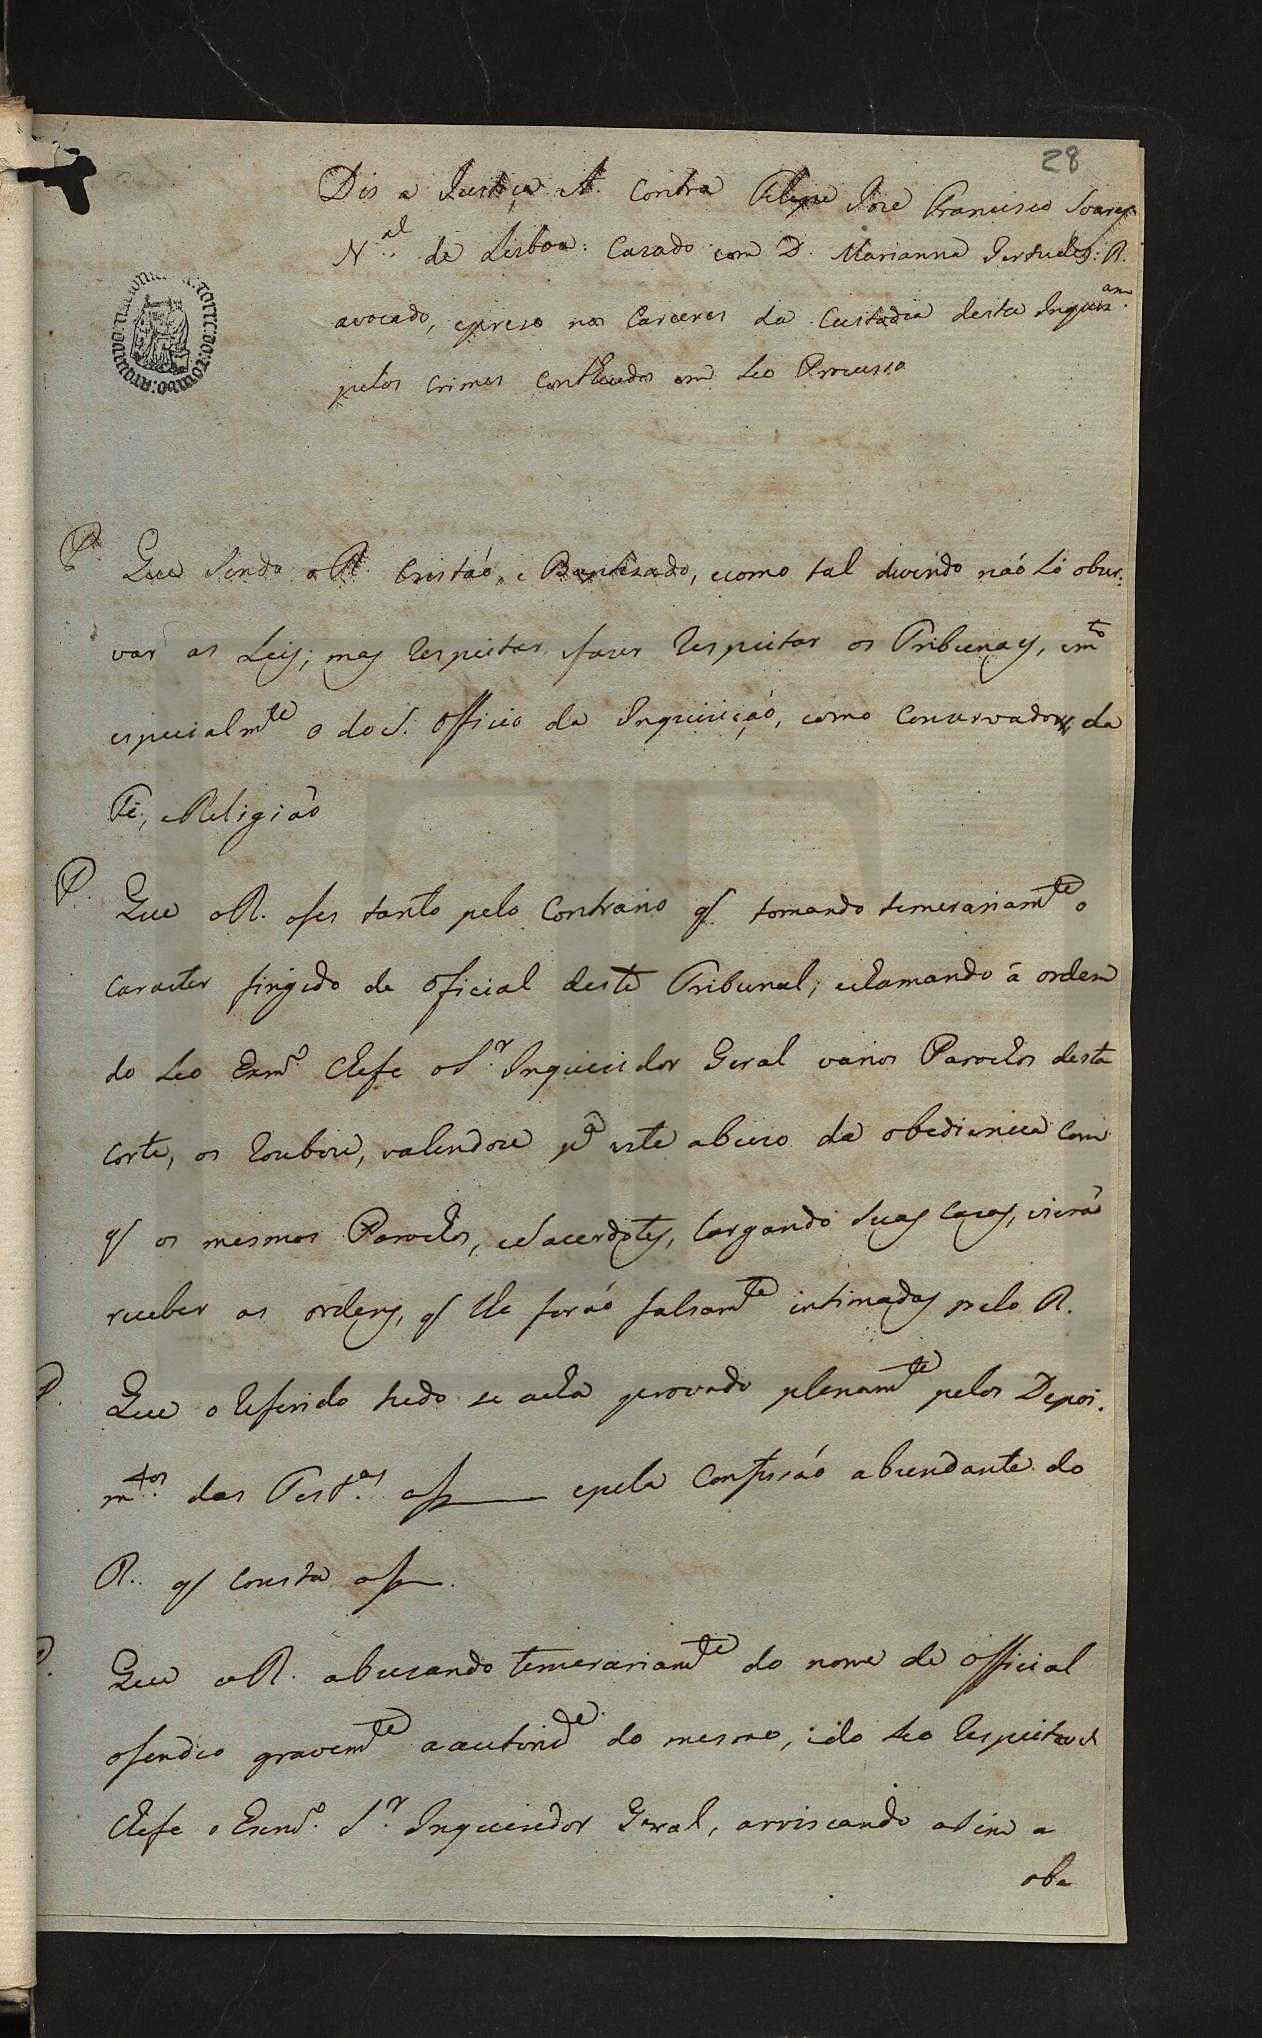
Dis a Justiça A. contra Filipe Ioze Francisco Soares
N.al de Lisboa cazado com D. Marianna Gertudes: R.
avocado, e prezo nos Carceres da Custodia desta Inquiz.am
pelos crimes contheudos em seo Proccesso
P. Que sendo o R. Cristaõ e Baptizado, e como tal devendo naõ só obser
var as Leis; mas Respeitar e fazer Respeitar os Tribunaes, e m.to
especialm.te o do S. officio da Inquiziçaõ, como conservador, da
Fé, e Religiaõ
P. Que o R. o fes tanto pelo Contrario q̄ tomando temerariam.te o
caracter fingido de oficial deste Tribunal, e chamando á ordem
do seo Exm.o chefe o S.r Inquizidor Geral varios Parochos desta
corte, os Roubou, valendoze p.a este abuzo da obediencia com
q̄ os mesmos Parochos, e Sacerdotes, largando suas cazas, vieraõ
receber as ordens, q̄ lhe foraõ falsam.te intimados pelo R.
Que o Referido tudo se acha provado plenam.te pelos Depoi
m.tos das Test.as a f____ e pela confissaõ abundante do
R. q̄ consta a f__.
Que o R. abuzando temerariam.te do nome de official
ofendeo gravem.te a autorid.e do mesmo, e do seo Respeitavel
chefe o Exm.o S.r Inquisidor Geral, arriscando asim a
obe
